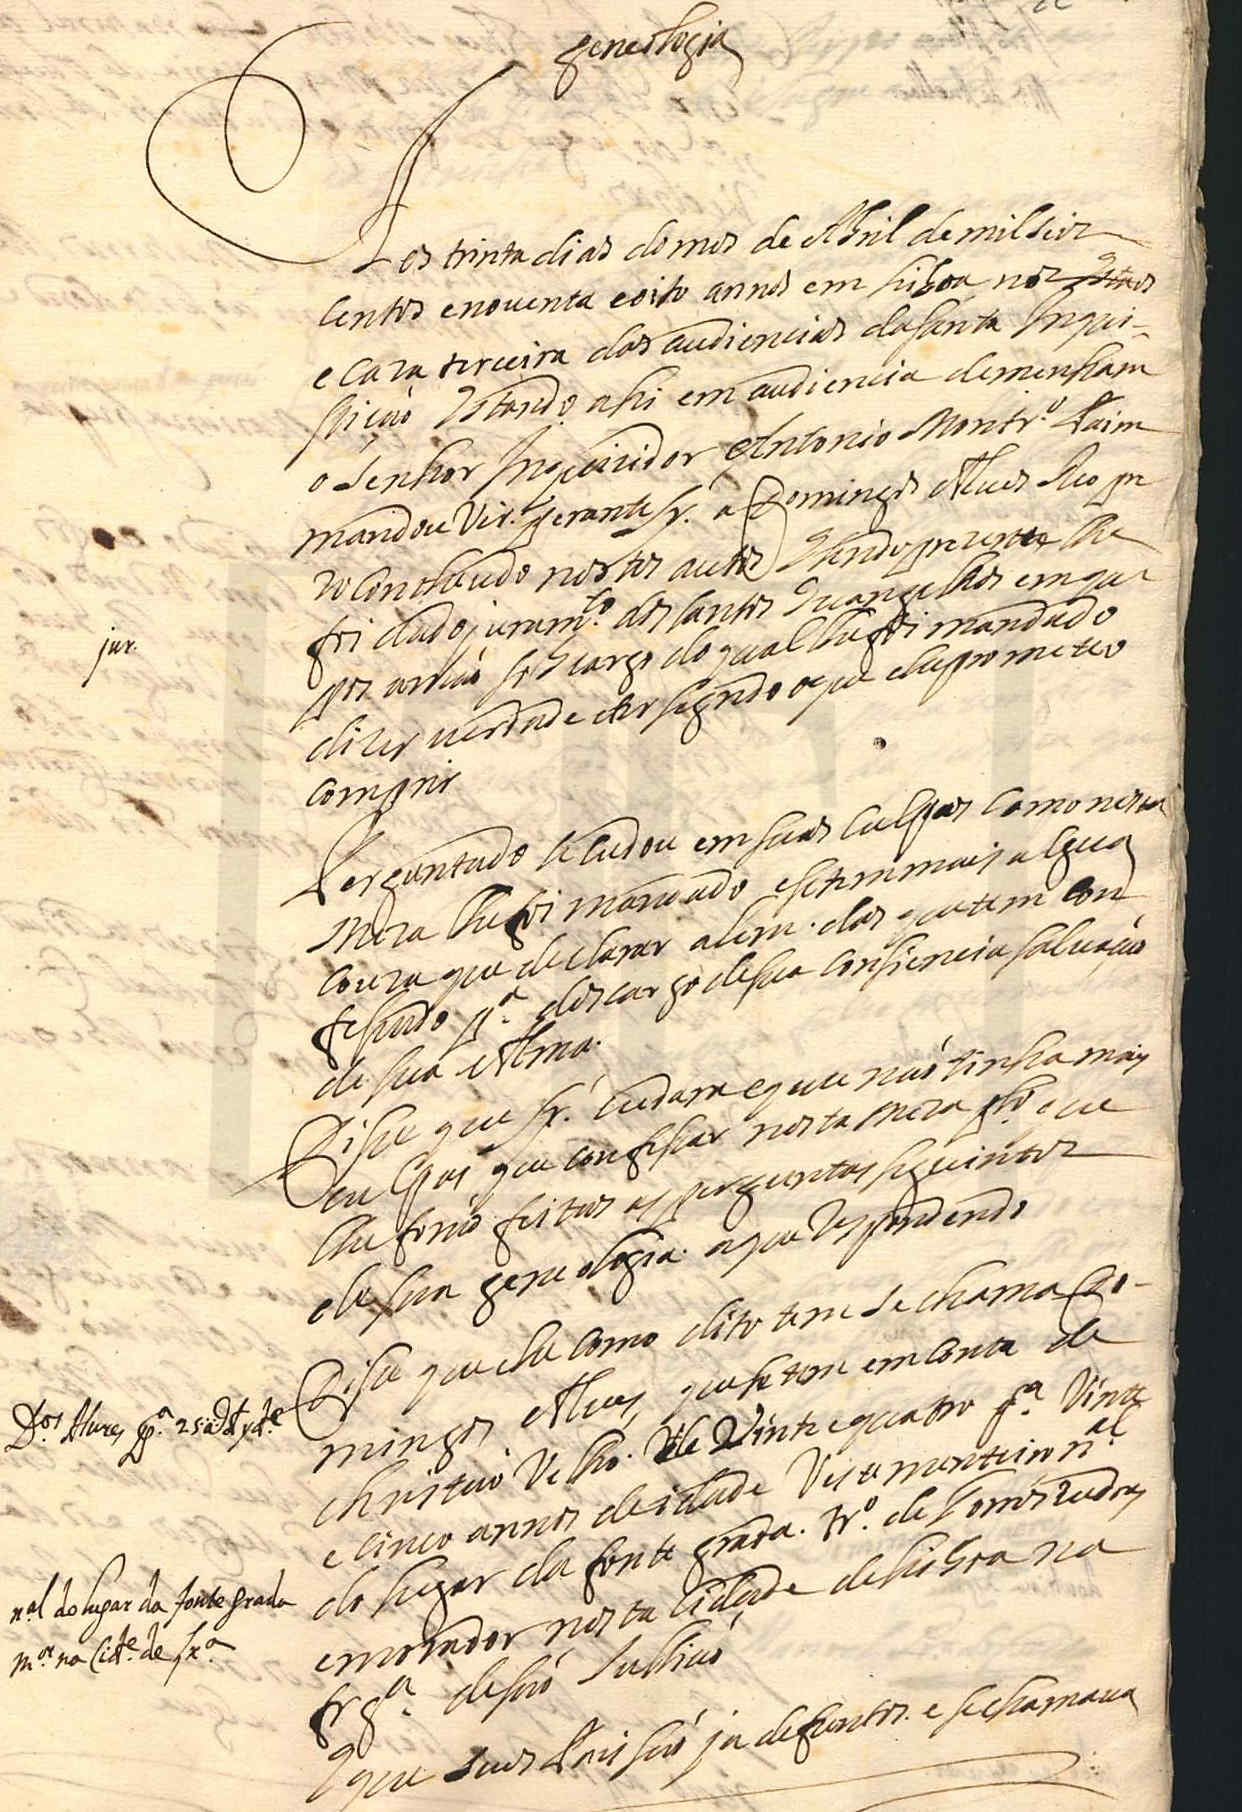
geneologia
Aos trinta dias do mes de Abril de mil seis
centos e nouenta e oito annos em Lisboa nos Estaos
e caza terceira das audiencias da santa Inqui
ssição Estando ahi em audiencia de menham
o Senhor Jnquizidor Antonio Montr.o Paim
mandou vir. perante sy. a Domingos Alues Reo pre
zo contheudo nestes autos E sendo prezente lhe
foi dado juram.to dos santos euangelhos em que
pos a maõ sob cargo do qual he foi mandado
dizer uerdade e ter segredo o que elle prometeo
comprir
jur.
Perguntado se cudou em suas culpas como nesta
Meza lhe foi mandado e se tem mais algua
couza que declarar além das que tem con
fessado p.a descargo de sua consiencia saluaçaõ
de sua Alma.
Disse que sy. cudara e que naõ tinha mais
culpas que confessar nesta Meza p.lo que
lhe foraõ feitas as perguntas seguintes
de sua genealogia. a que Respondendo
D.os Alures p.a 25 ā d̄ yd.e
Dise que elle como dito tem se chama Do
mingos Alues, que se tem em conta de
christaõ Velho. de Vinte e quatro p.a Vinte
e cinco annos de idade Vistementeiro n.al
do lugar da fonte grada. tr.o de Torres vedras
e morador nesta Cidade de lisboa na
n.al do lugar da fonte grada
m.or na Cid̄.e de Lx.a
frga. de saõ Iuliaõ
E que seus Pais saõ ja defuntos e se chamaua
